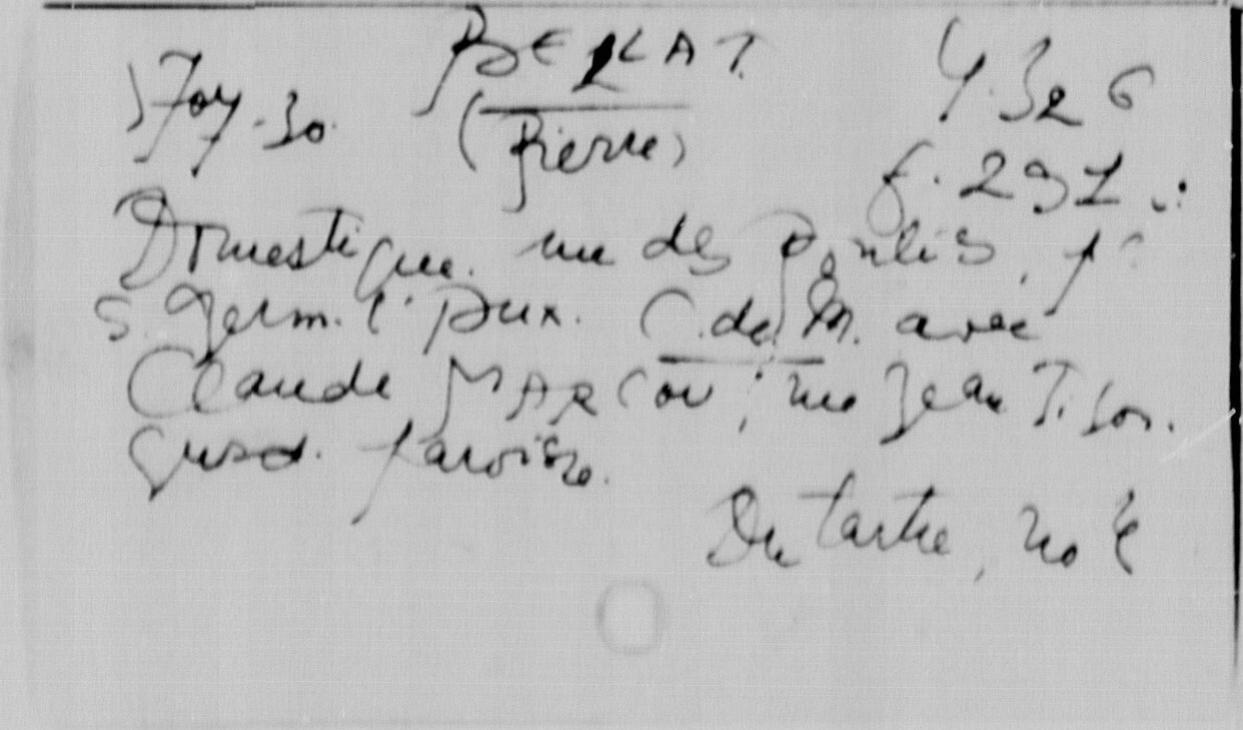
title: BELLAT (Pierre)
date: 1707-1730
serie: Y
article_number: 326
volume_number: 291v
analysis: Domestique, rue des Ponlis, paroisse Saint Germain-l'Auxerrois. Contrat de mariage avec Claude MARCOU, rue Jean J. Son susdite paroisse. Dutartre, notaire.
